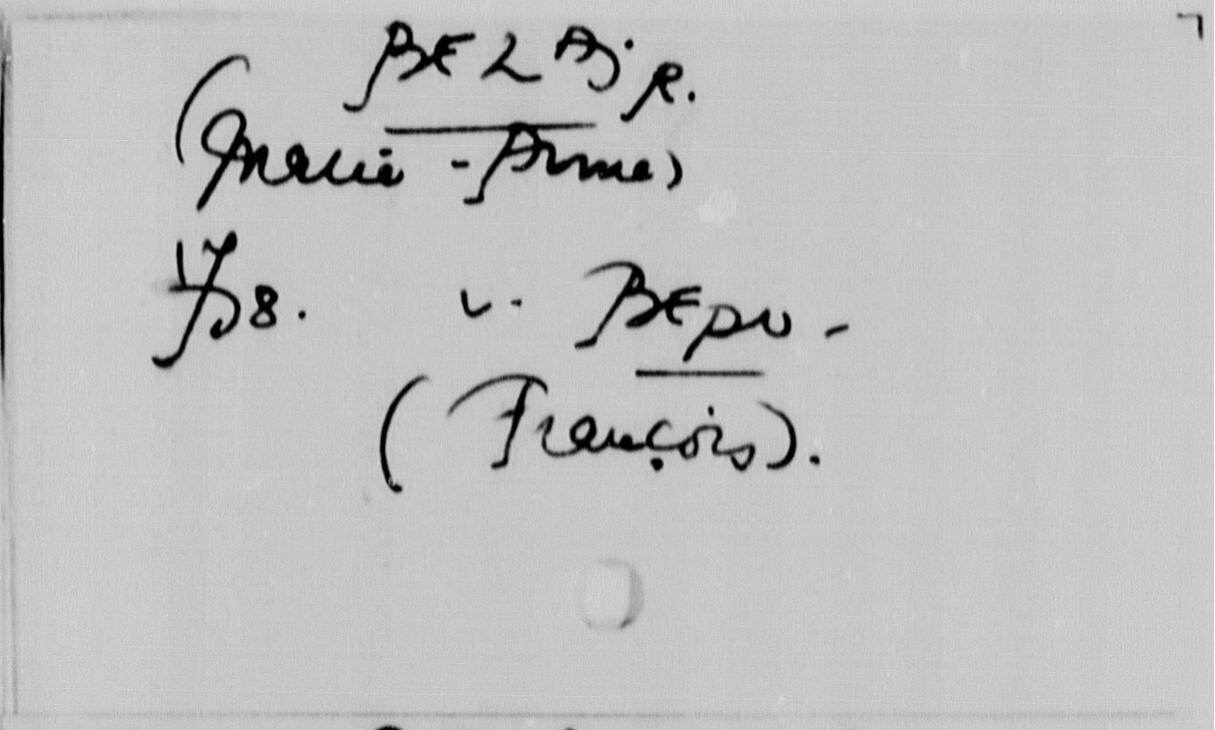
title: BELAIR (Marie-Anne)
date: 1718
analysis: Voir BEAU (François)
